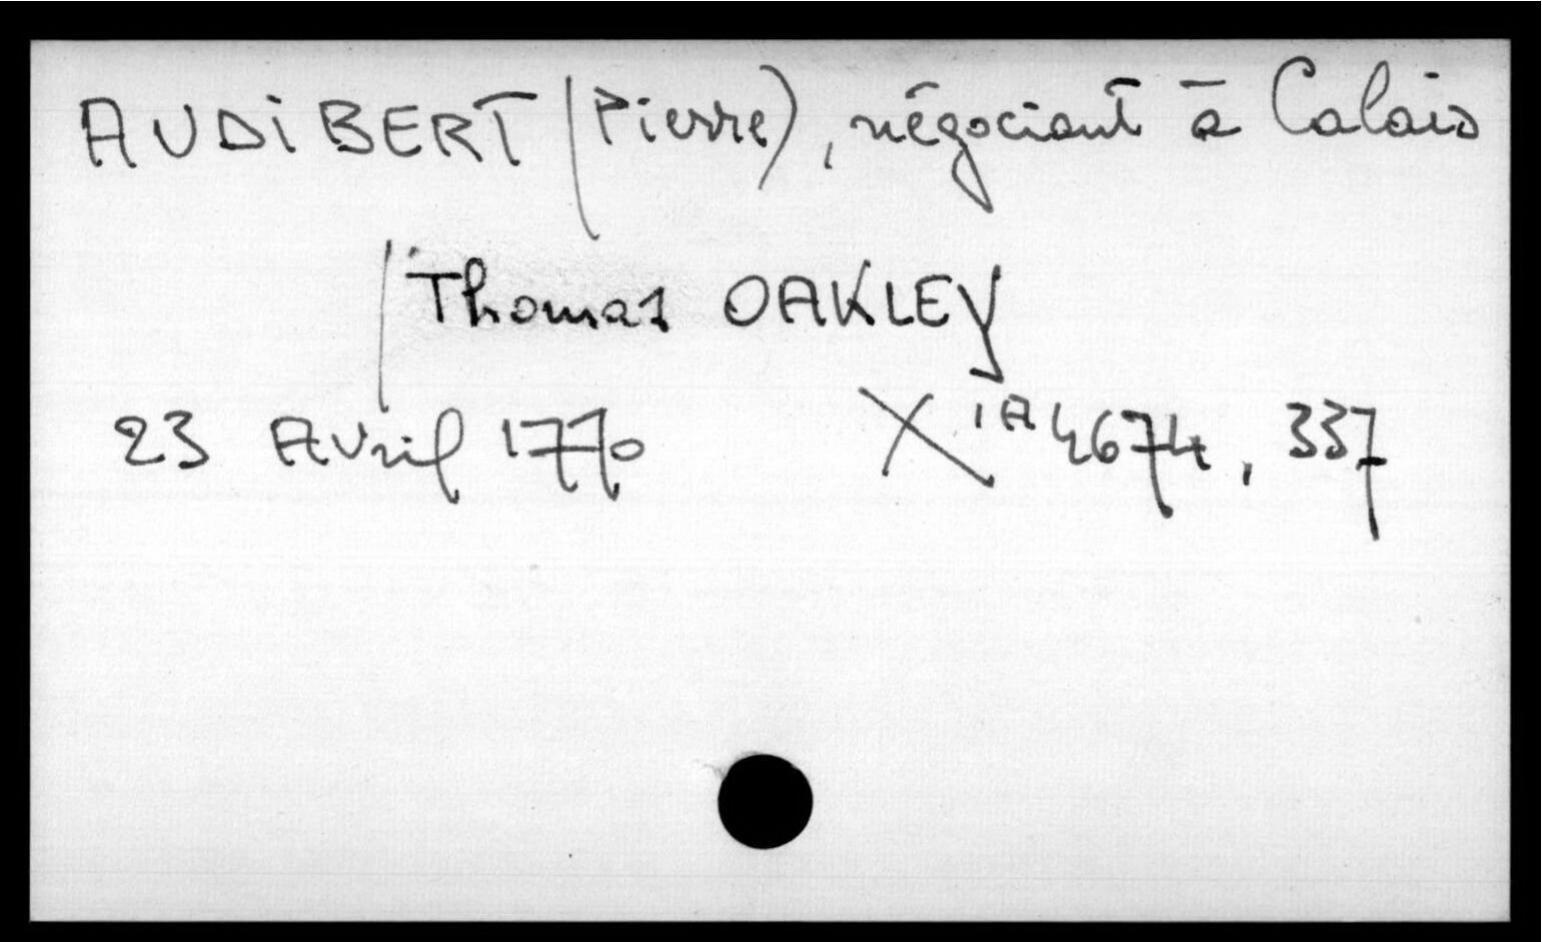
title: AUDIBERT (Pierre), négociant à Calais
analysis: Contre Thomas OAKLEY
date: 23 avril 1770
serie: X1A
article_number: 4674
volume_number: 337
